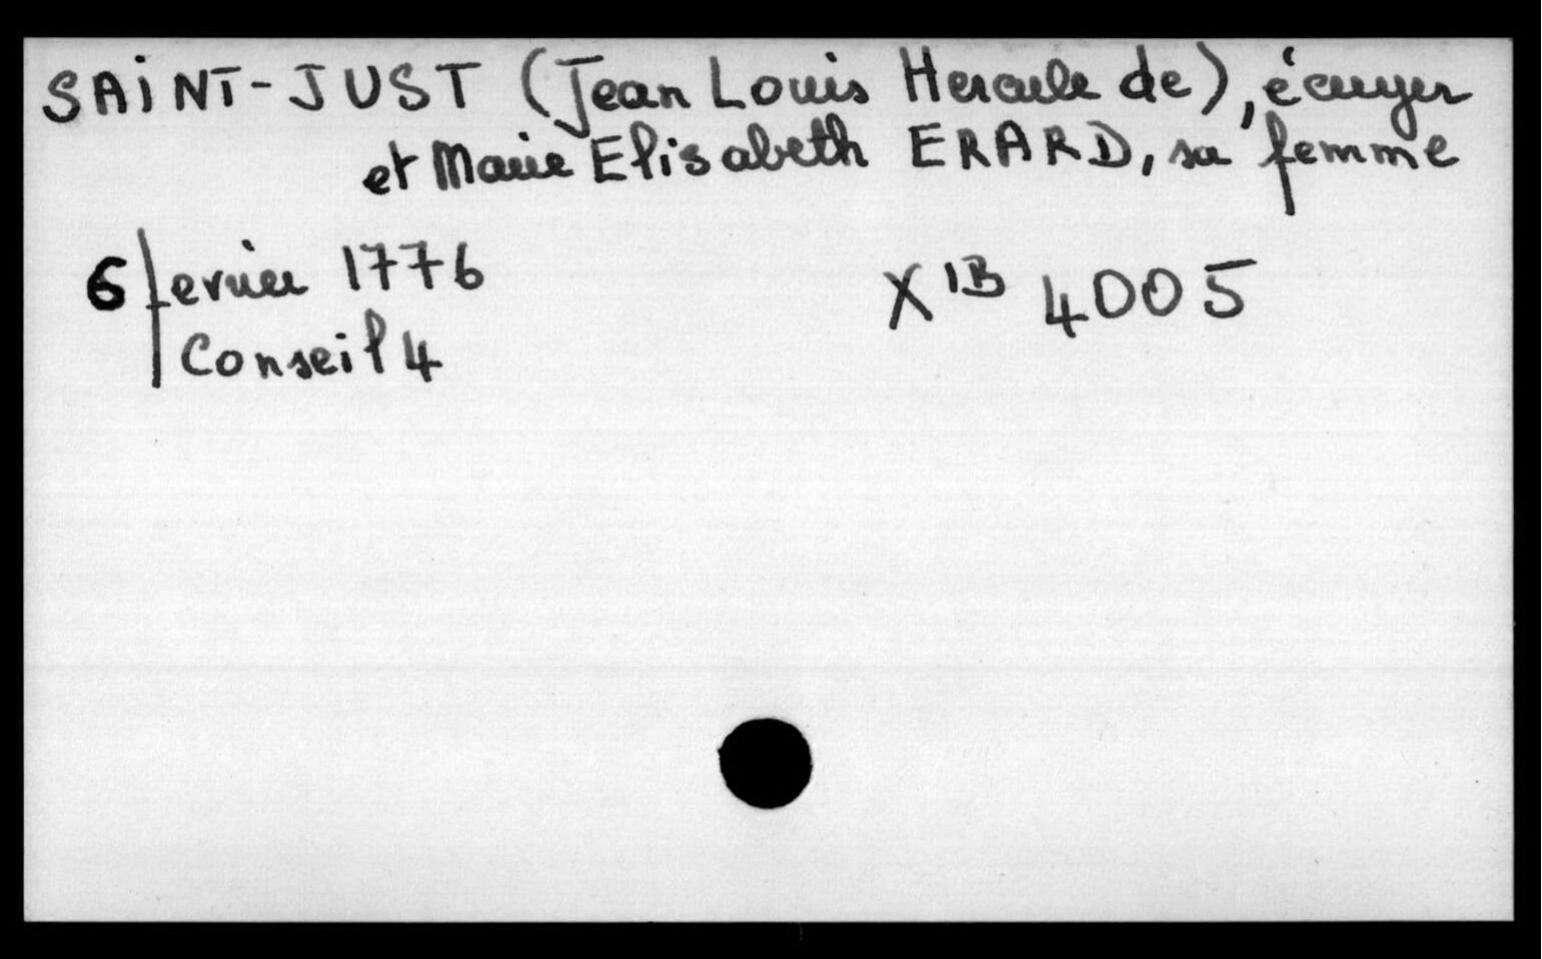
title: SAINT-JUST (Jean Louis Hercule de), écuyer et Marie Élisabeth ERARD, sa femme
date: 6 février 1776
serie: X1B
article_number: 4005
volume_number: Conseil 4
